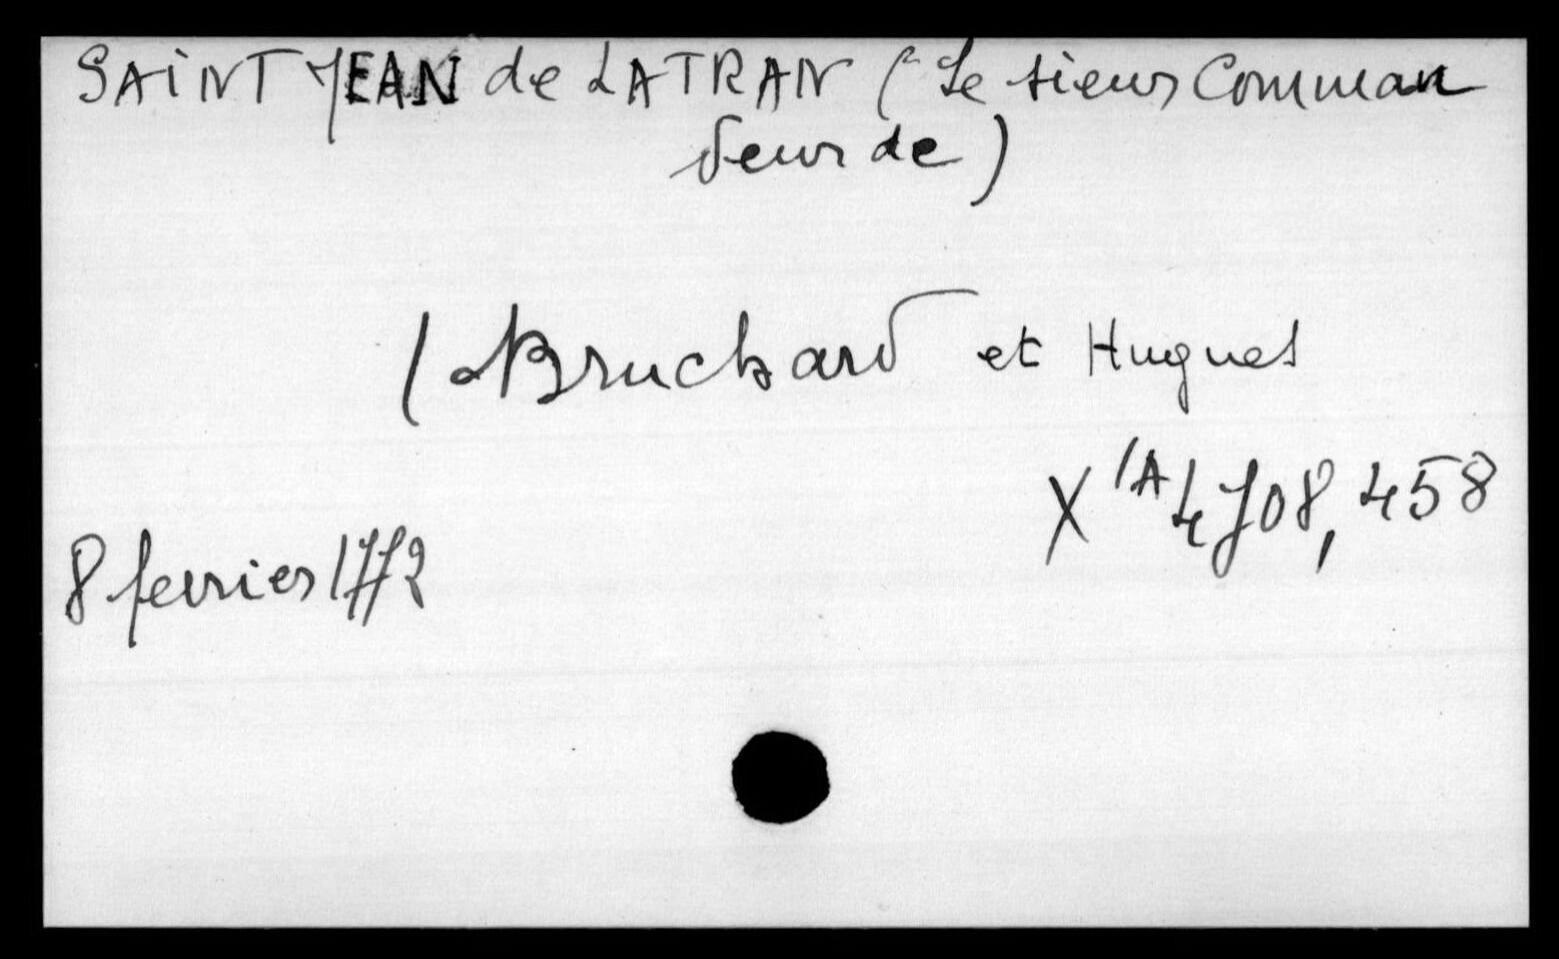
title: SAINT JEAN de LATRAN (le sieur commandeur de)
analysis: Contre Bruchard et Hugues
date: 8 février 1772
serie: X1A
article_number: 4708
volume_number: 458
